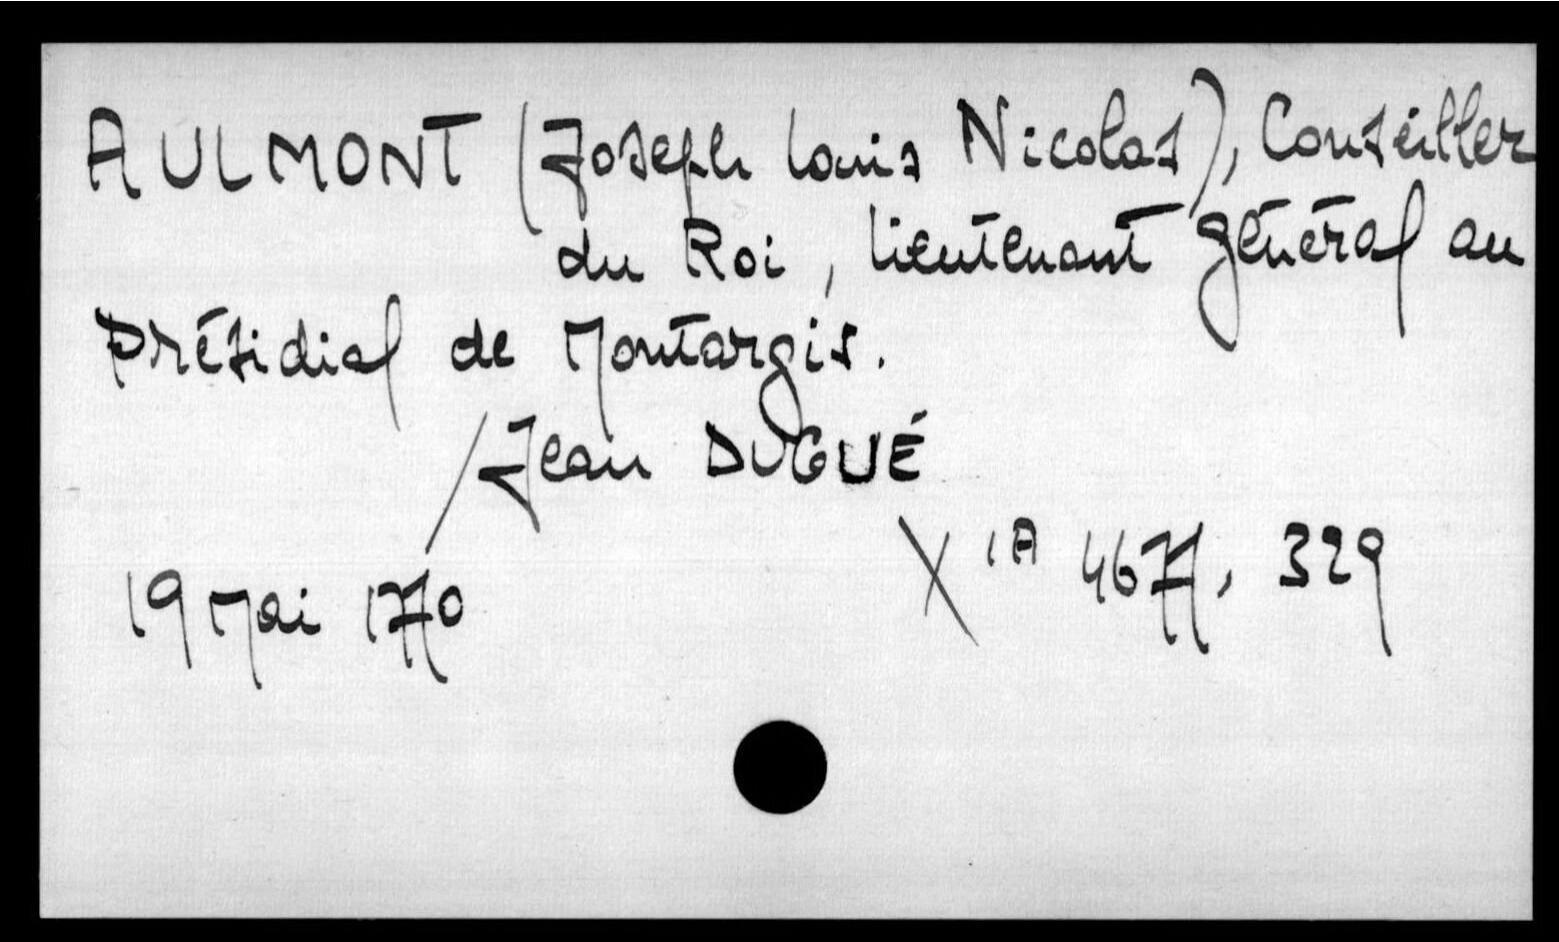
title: AULMONT (Joseph Louis Nicolas), Conseiller du Roi, Lieutenant général au Présidial de Montargis
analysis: Contre Jean DUGUÉ
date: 19 mai 1770
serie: X1A
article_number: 4677
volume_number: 329
